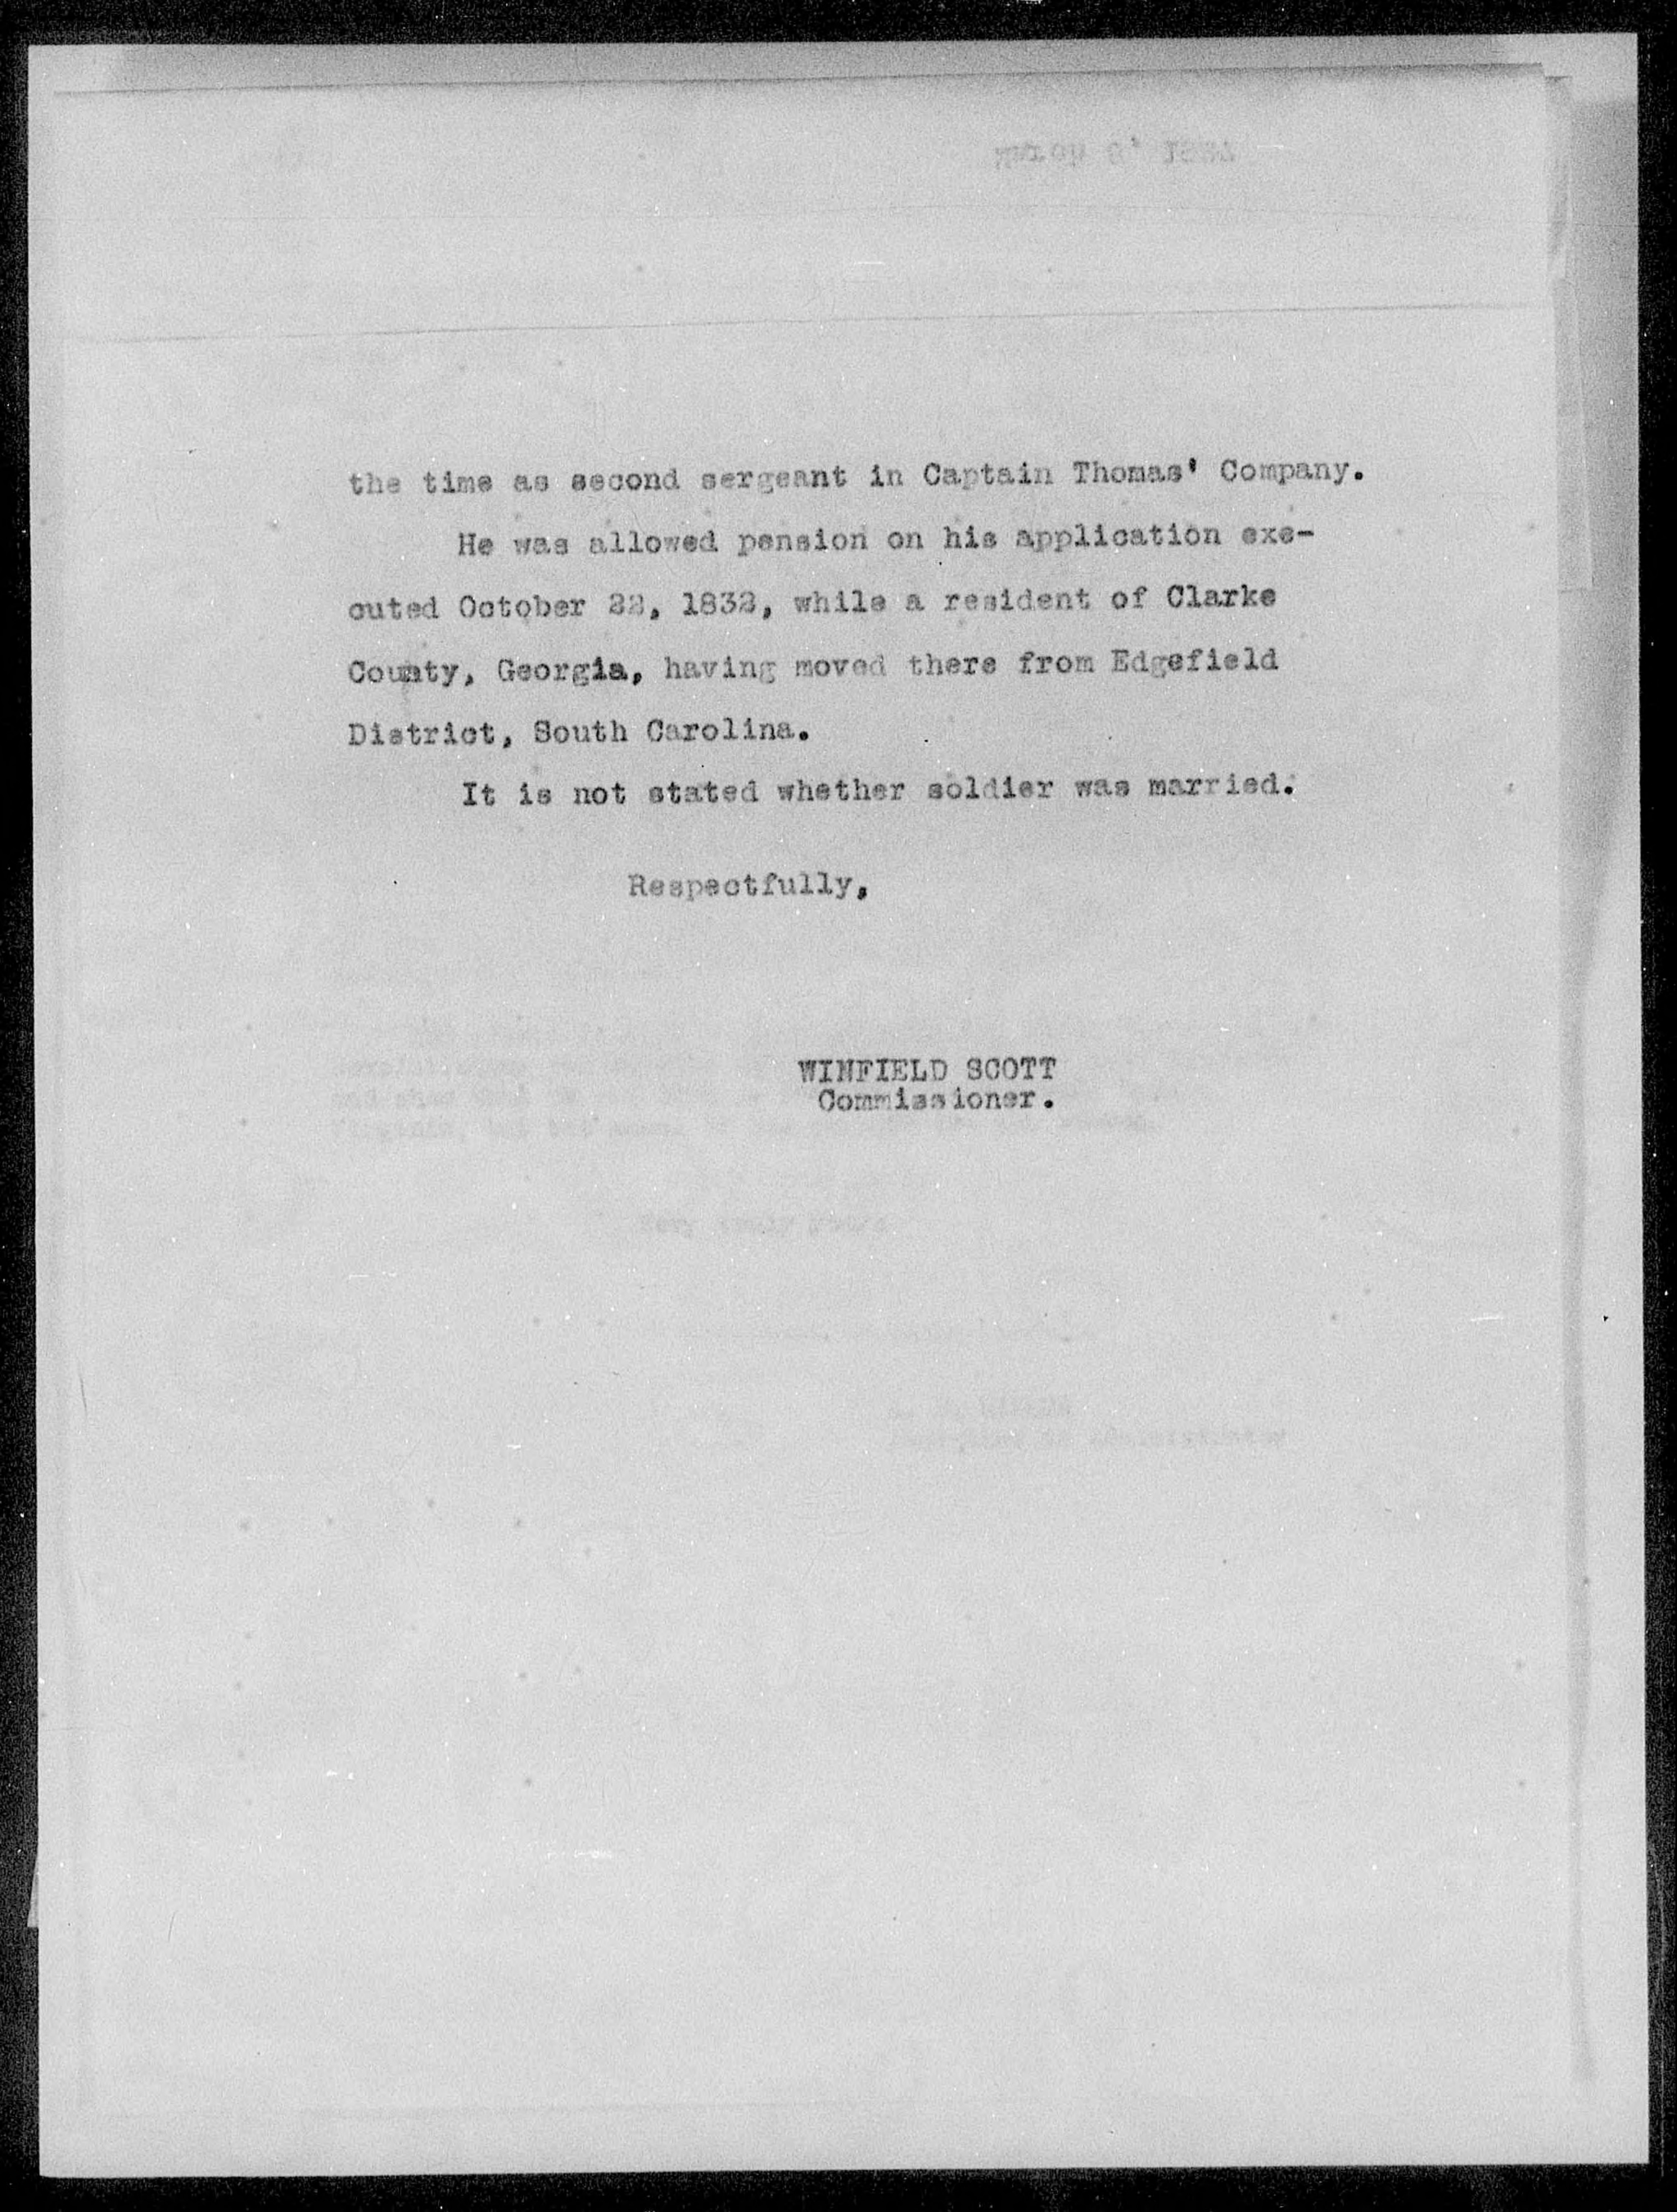the time a second sergeant in Captain Thomas' Company.
     He was allowed pension on his application executed October 22, 1832, while a resident of Clarke County, Georgia, having moved there from Edgefield District, South Carolina.
     It is not stated whether soldier was married.
                   Respectfully,

                    WINFIELD SCOTT
                    Commissioner.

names: Winfield Scott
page: 32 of 32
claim: survivor's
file: S. 31888, for John Oliver, North Carolina